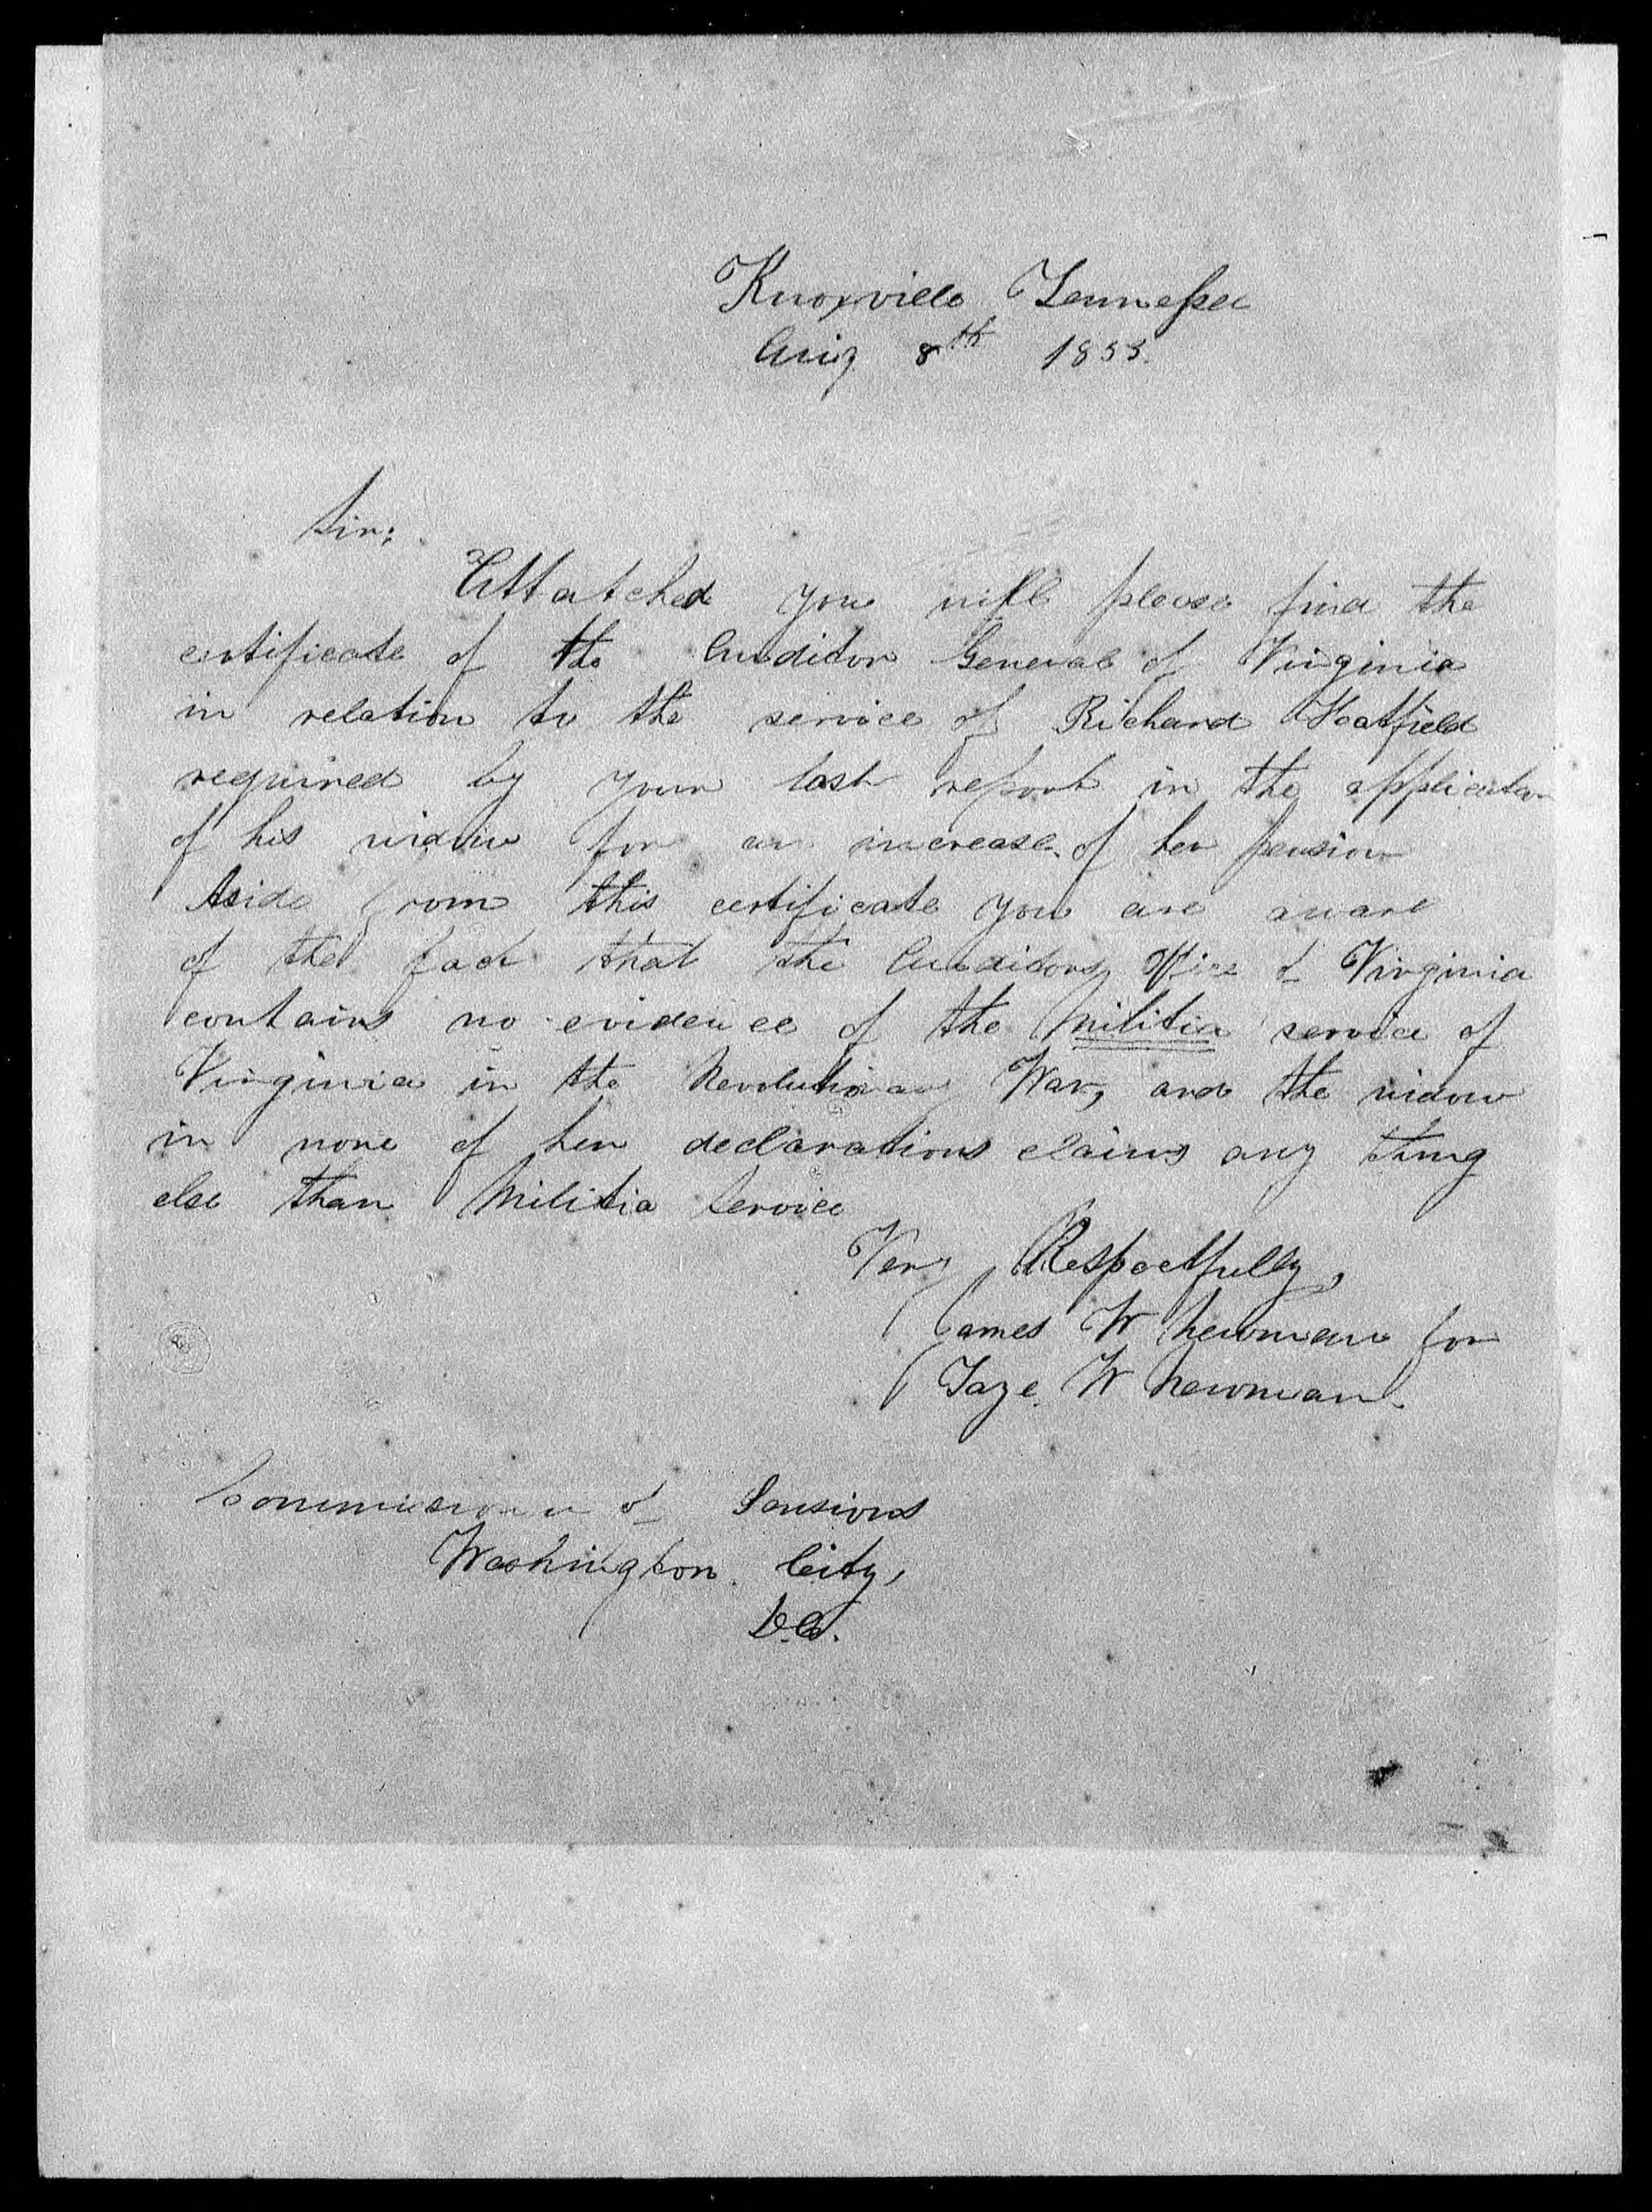Knoxville Tennessee
Aug 8th 1855.

Sir:
Attached you will please find the
certificate of the Auditor General of Virginia
in relation to the service of Richard Hatfield
required by your last report in the application
of his widow for an increase of her pension
Aside from this certificate you are aware
of the fact that the Auditory Office of Virginia
contains no evidence of the militia service of
Virginia in the Revolutionary War, and the widow
in none of her declarations claims any thing
else than Militia Service
Very Respectfully,
James W Newman for
Taze. W Newman

Commissioner of Pensions
Washington City,
D.C.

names: James W Newman, Taze W Newman, Richard Hatfield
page: 70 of 74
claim: widow's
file: W. 5, Joseph Hatfield, Va.